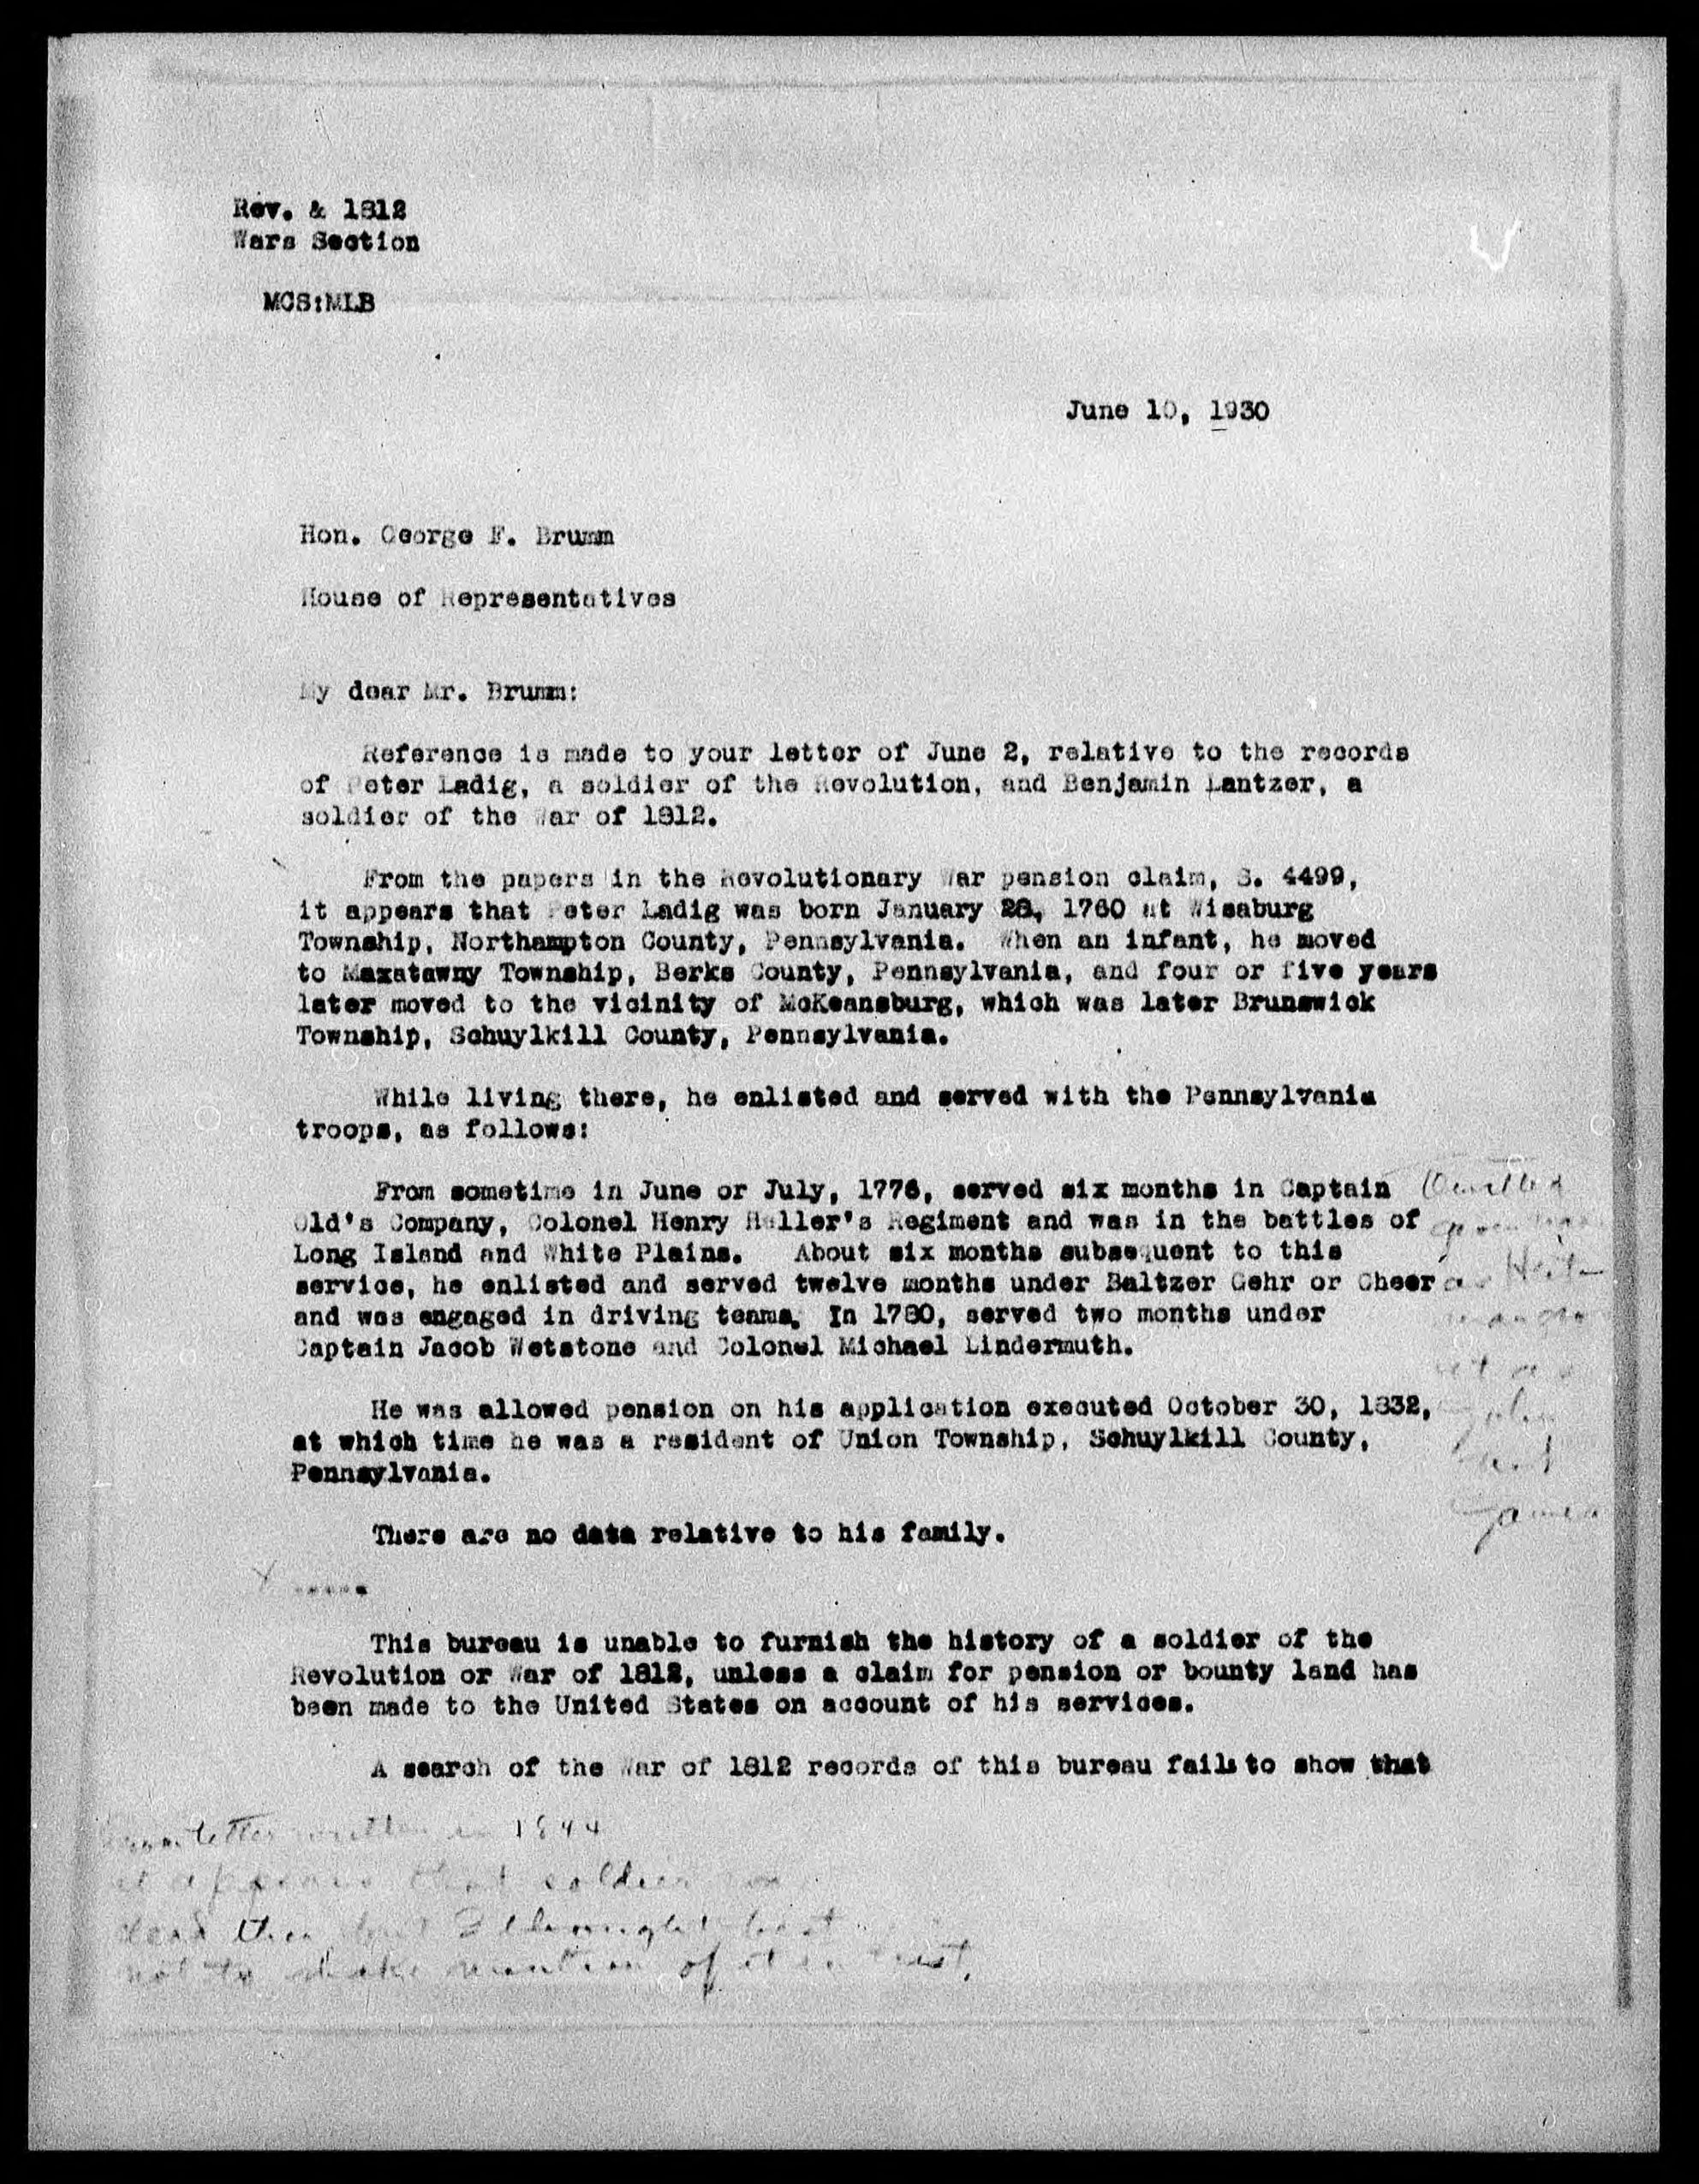Rev. & 1812
Wars Section
MCB:MLB

June 10, 1930

Hon. George F. Brumm
House of Representatives

My dear Mr. Brumm:

Reference is made to your letter of June 2, relative to the records of Peter Ladig, a soldier of the Revolution, and Benjamin Lantzer, a soldier of the War of 1812.
From the papers in the Revolutionary War pension claim, S. 4499, it appears that Peter Ladig was born January 26, 1760 at Wisaburg Township, Northampton County, Pennsylvania.  When an infant, he moved to Maxatawny Township, Berks County, Pennsylvania, and four or five years later moved to the vicinity of McKeansburg, which was later Brunswick Township, Schuylkill County, Pennsylvania.
While living there, he enlisted and served with the Pennsylvania troops, as follows:
From sometime in June or July, 1776, served six months in Captain Old's Company, Colonel Henry Haller's Regiment and was in the battles of Long Island and White Plans.  About six months subsequent to this service, he enlisted and served twelve months under Beltzer Gehr or Gheer and was engaged in driving teams.  In 1780, served two months under Captain Jacob Wetstone and Colonel Michael Lindermuth.  
He was allowed pension on his application executed October 30, 1832, at which time he was a resident of Union Township, Schuylkill County, Pennsylvania.
There are no data relative to his family.
x......
This bureau is unable to furnish the history of a soldier of the Revolution or War of 1812, unless a claim for pension or bounty land has been made to the United States on account of his services.
A search of the War of 1812 records of this bureau fails to show what 


[The following was hand written in right margin of typed page, referring to Captain Olds]: 
[illegible] given [illegible] as John not James

The following was hand written in the lower left of the typed page]:  
From letter written in 1844 it appears that soldier [illegible] dead then but I thought best not to make mention of it in [illegible]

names: Baltzer Cheer; Benjamin Lantzer; Michael Lindermuth; Jacob Wetstone; Peter Ladig; George F Brumm; Baltzer Gehr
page: 11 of 17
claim: survivor's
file: S. 4499, for Peter Ladig, Pennsylvania